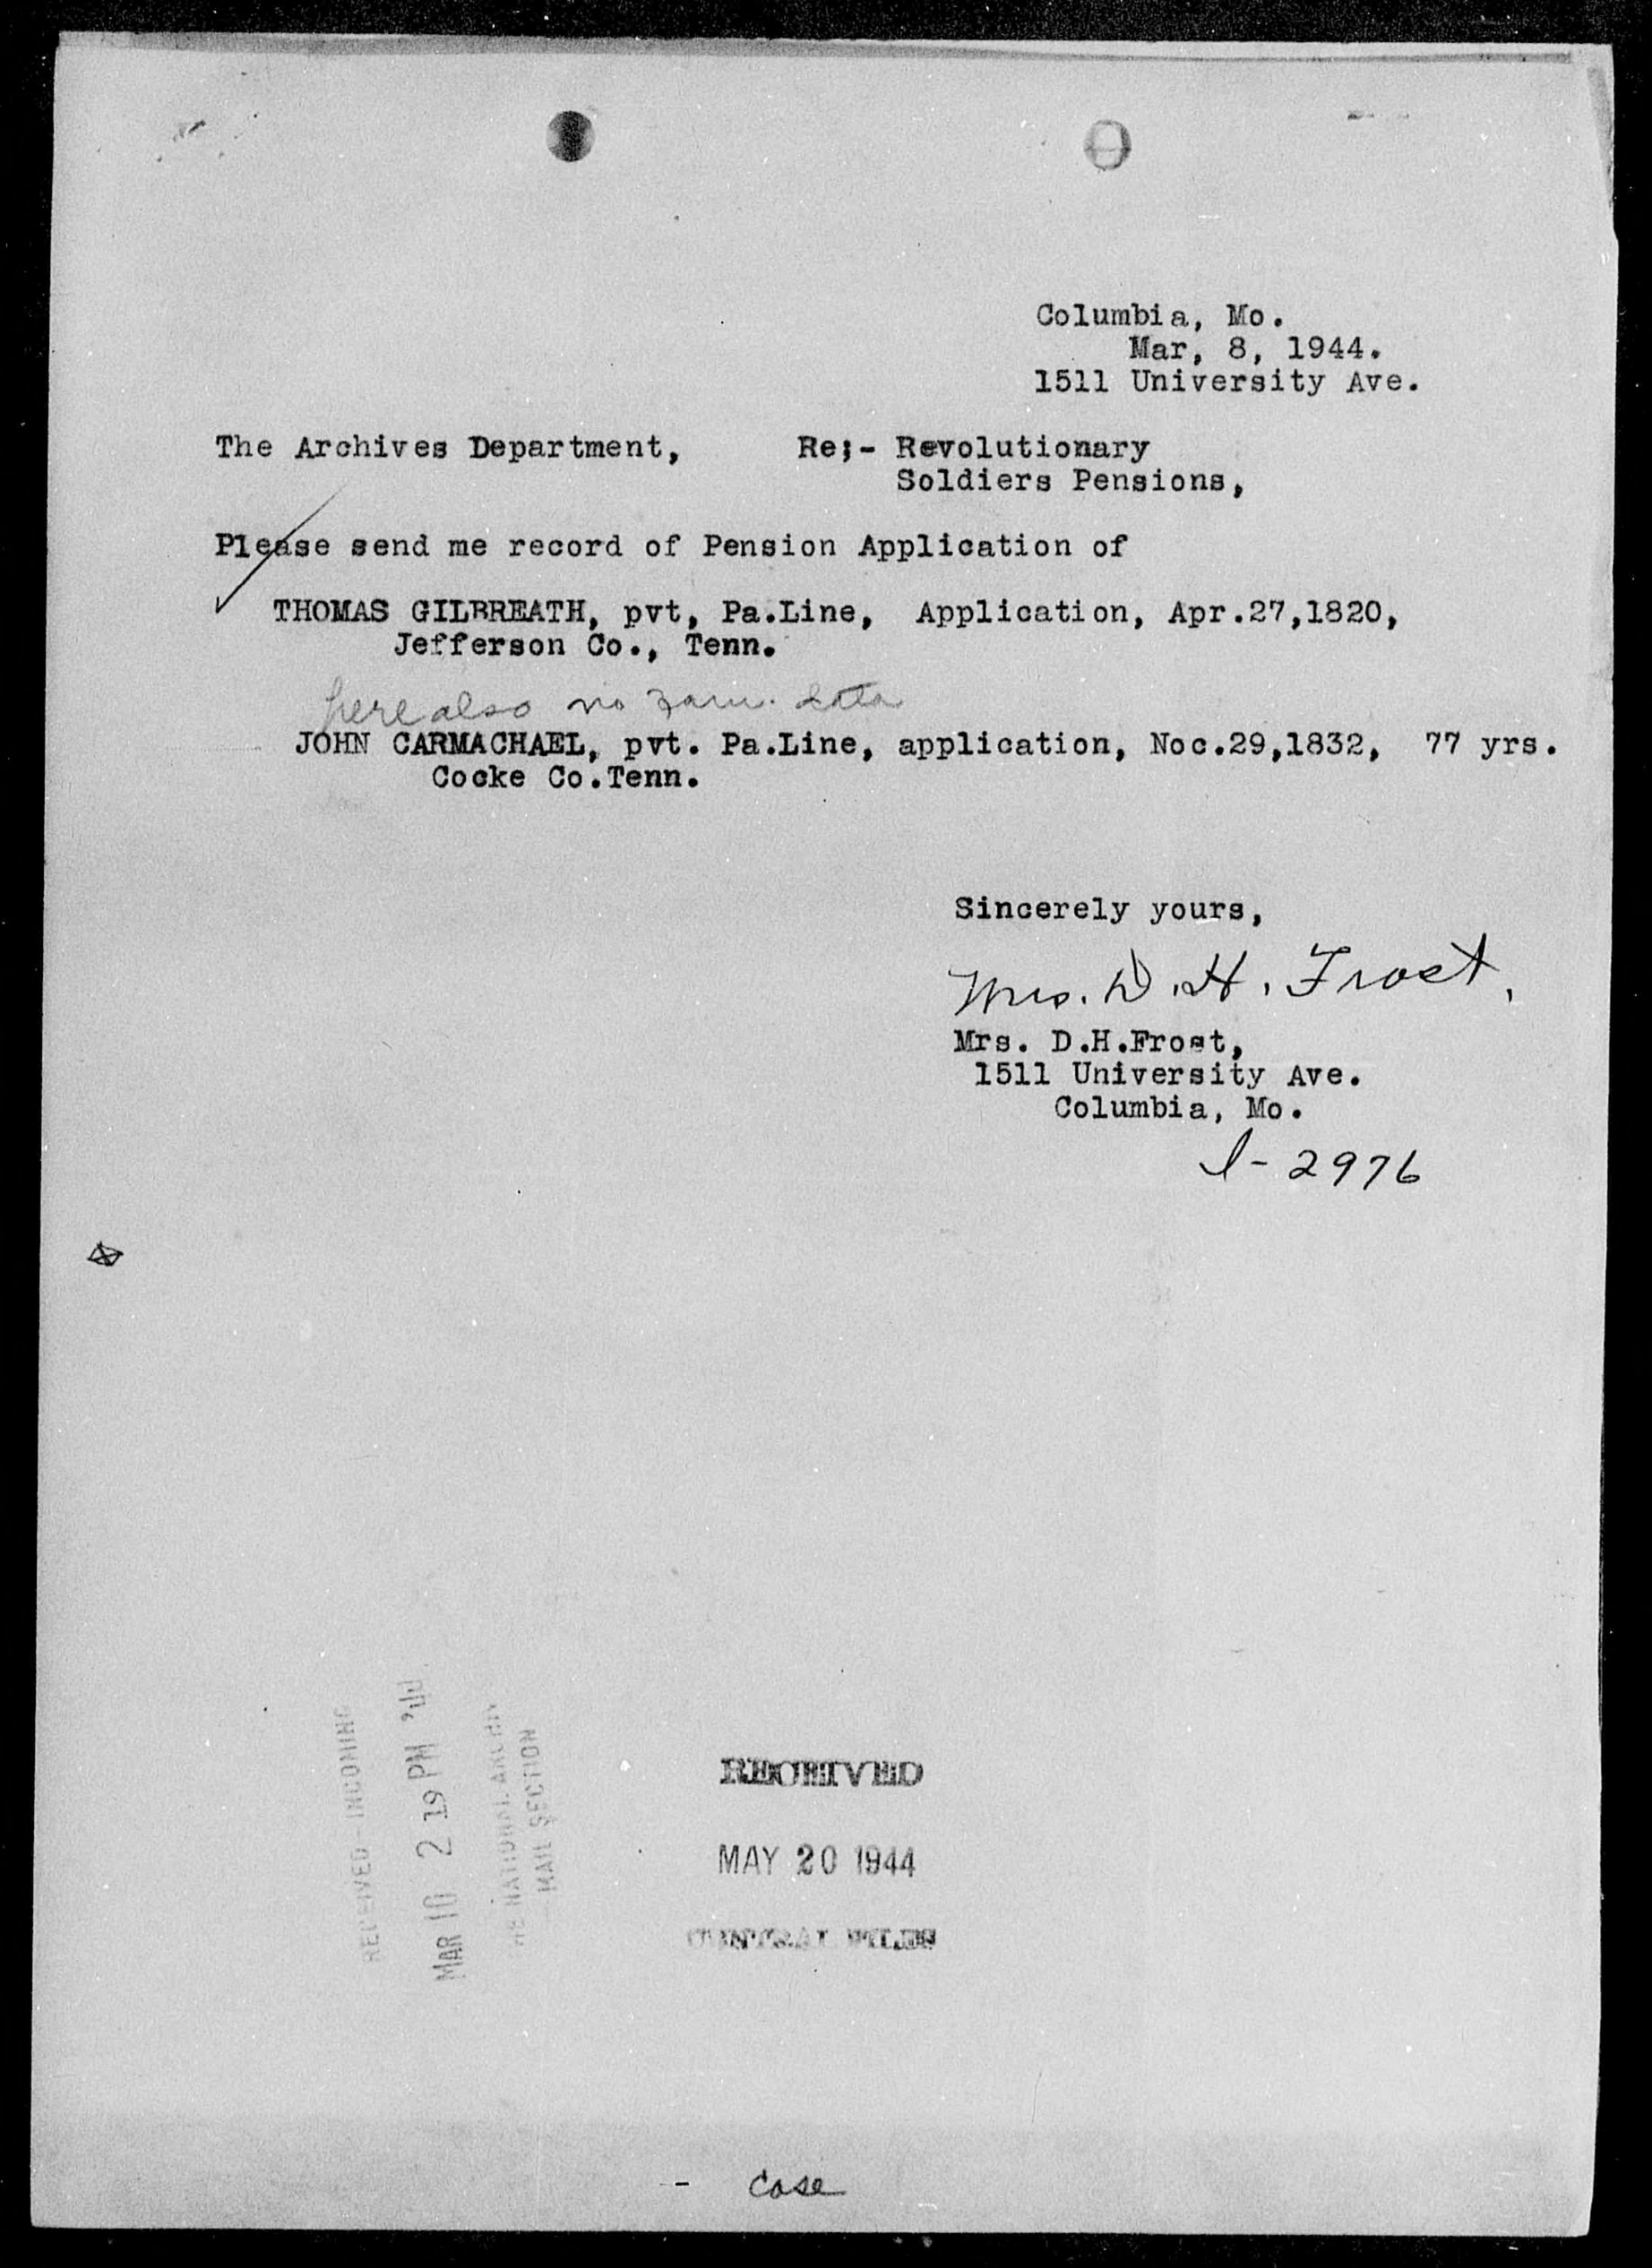Columbia, Mo.
Mar, 8, 1944.
1511 University Ave.

The Archives Department,    Re; - Revolutionary Soldiers Pensions,
[checkmark over the first word]Please send me record of Pension Application of 
     THOMAS GILBREATH, pvt,  Pa.Line , Application , Apr. 27, 1820 Jefferson Co. Tenn.

[handwritten:] here also no form. data
JOHN CARMACHAEL, pvt. Pa.Line, application, Noc.29,1832,  77 yrs.
Cocke Co.Tenn.
Sincerely yours, 
[signature:] Mrs. D.H. Frost.
Mrs. D.H.Frost,
1511 University Ave.
Columbia, Mo.
[handwritten:] I-2976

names: D H Frost, Thomas Gilbreath, John Carmachael, D H Frost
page: 20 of 24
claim: survivor's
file: S. 38727, Thomas Gilbreath, Penn.